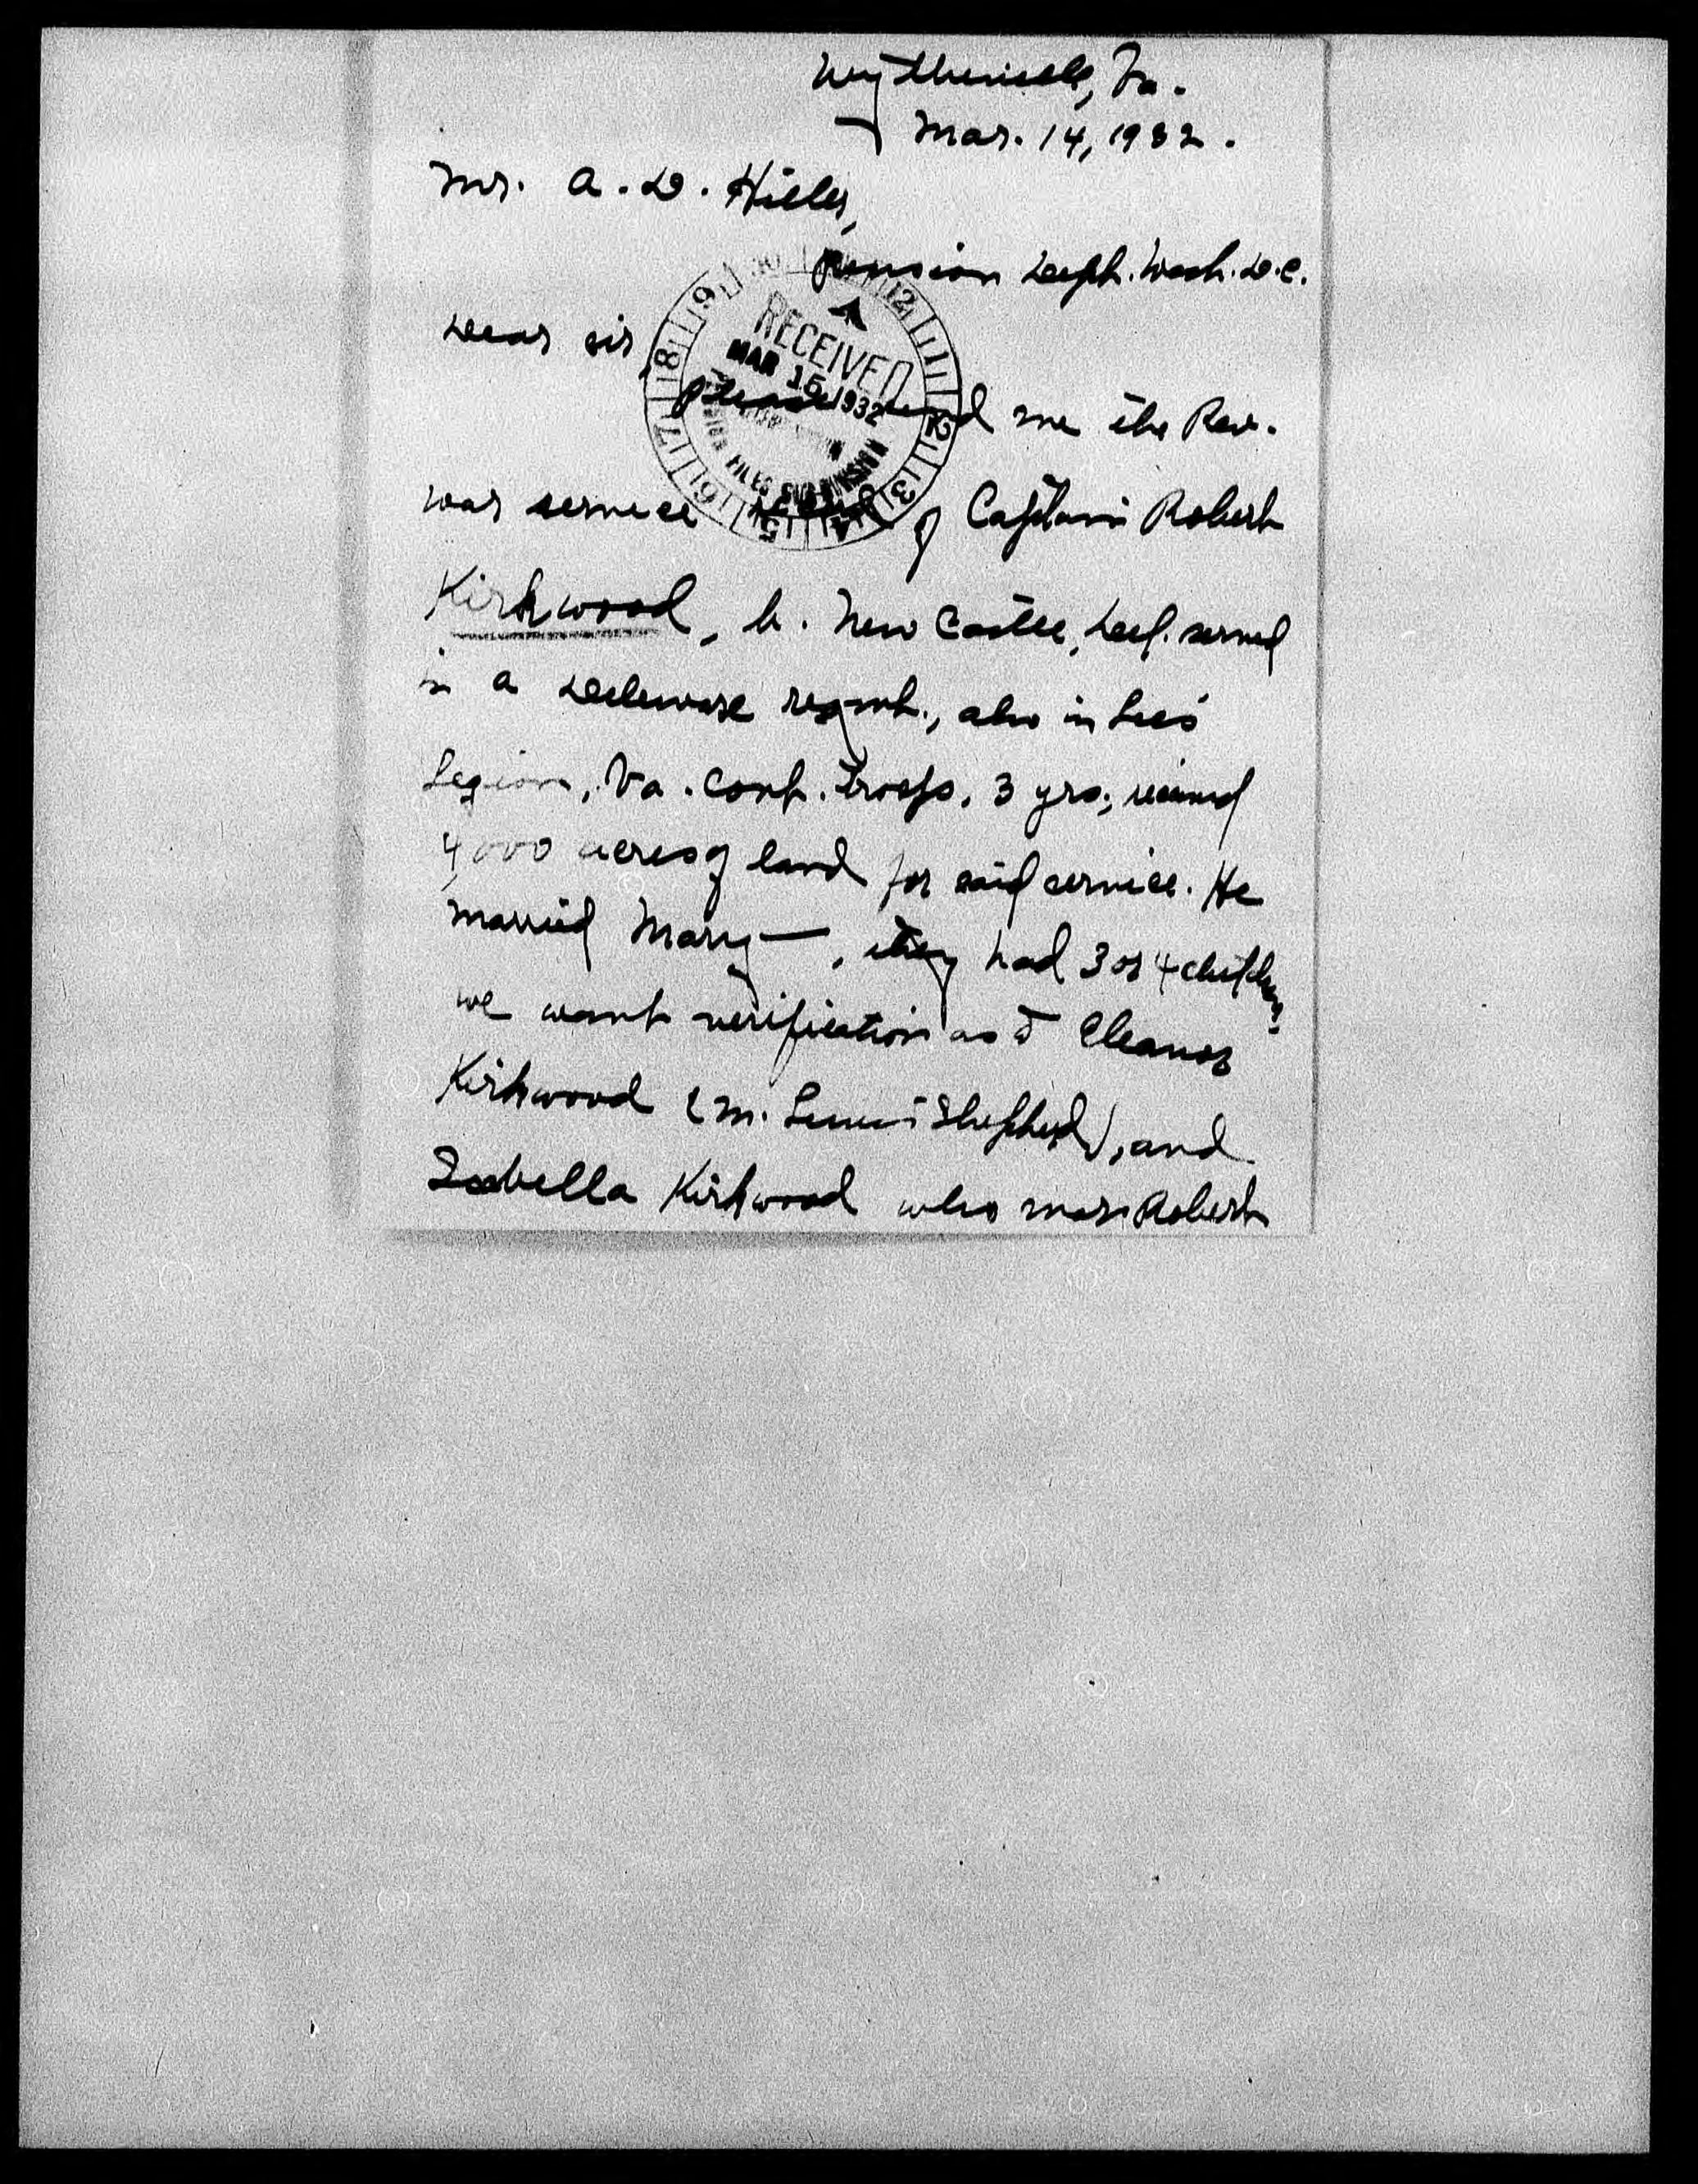Wytheville, Va.
Mar. 14, 1982

Mr. A.D. Hiller,
Pension Dept. Wash D.C.

Dear sir,
Please send me the 
Rev. War service record of Captain Robert Kirkwood, [illegible] New Castle, Del., served in a Delaware reqmt., also in his
Legion, Va. conf troops. 3 yrs, received
4000 acres of land for said service.
He married Mary --.
They had 3 or 4 children.
we want verification as I Eleanor Kirkwood 
(M. L[illegible] Shepherd and
Isabella Kirkwood who mar Robert

[stamp] Received Mar 15, 1932 [illegible]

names: Mary [BLANK]; A D Hiller; Seabella Kirkwood; Robert Kirkwood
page: 15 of 20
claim: bounty land warrant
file: B. L. Wt. 1102-300, for Robert Kirkwood, Delaware